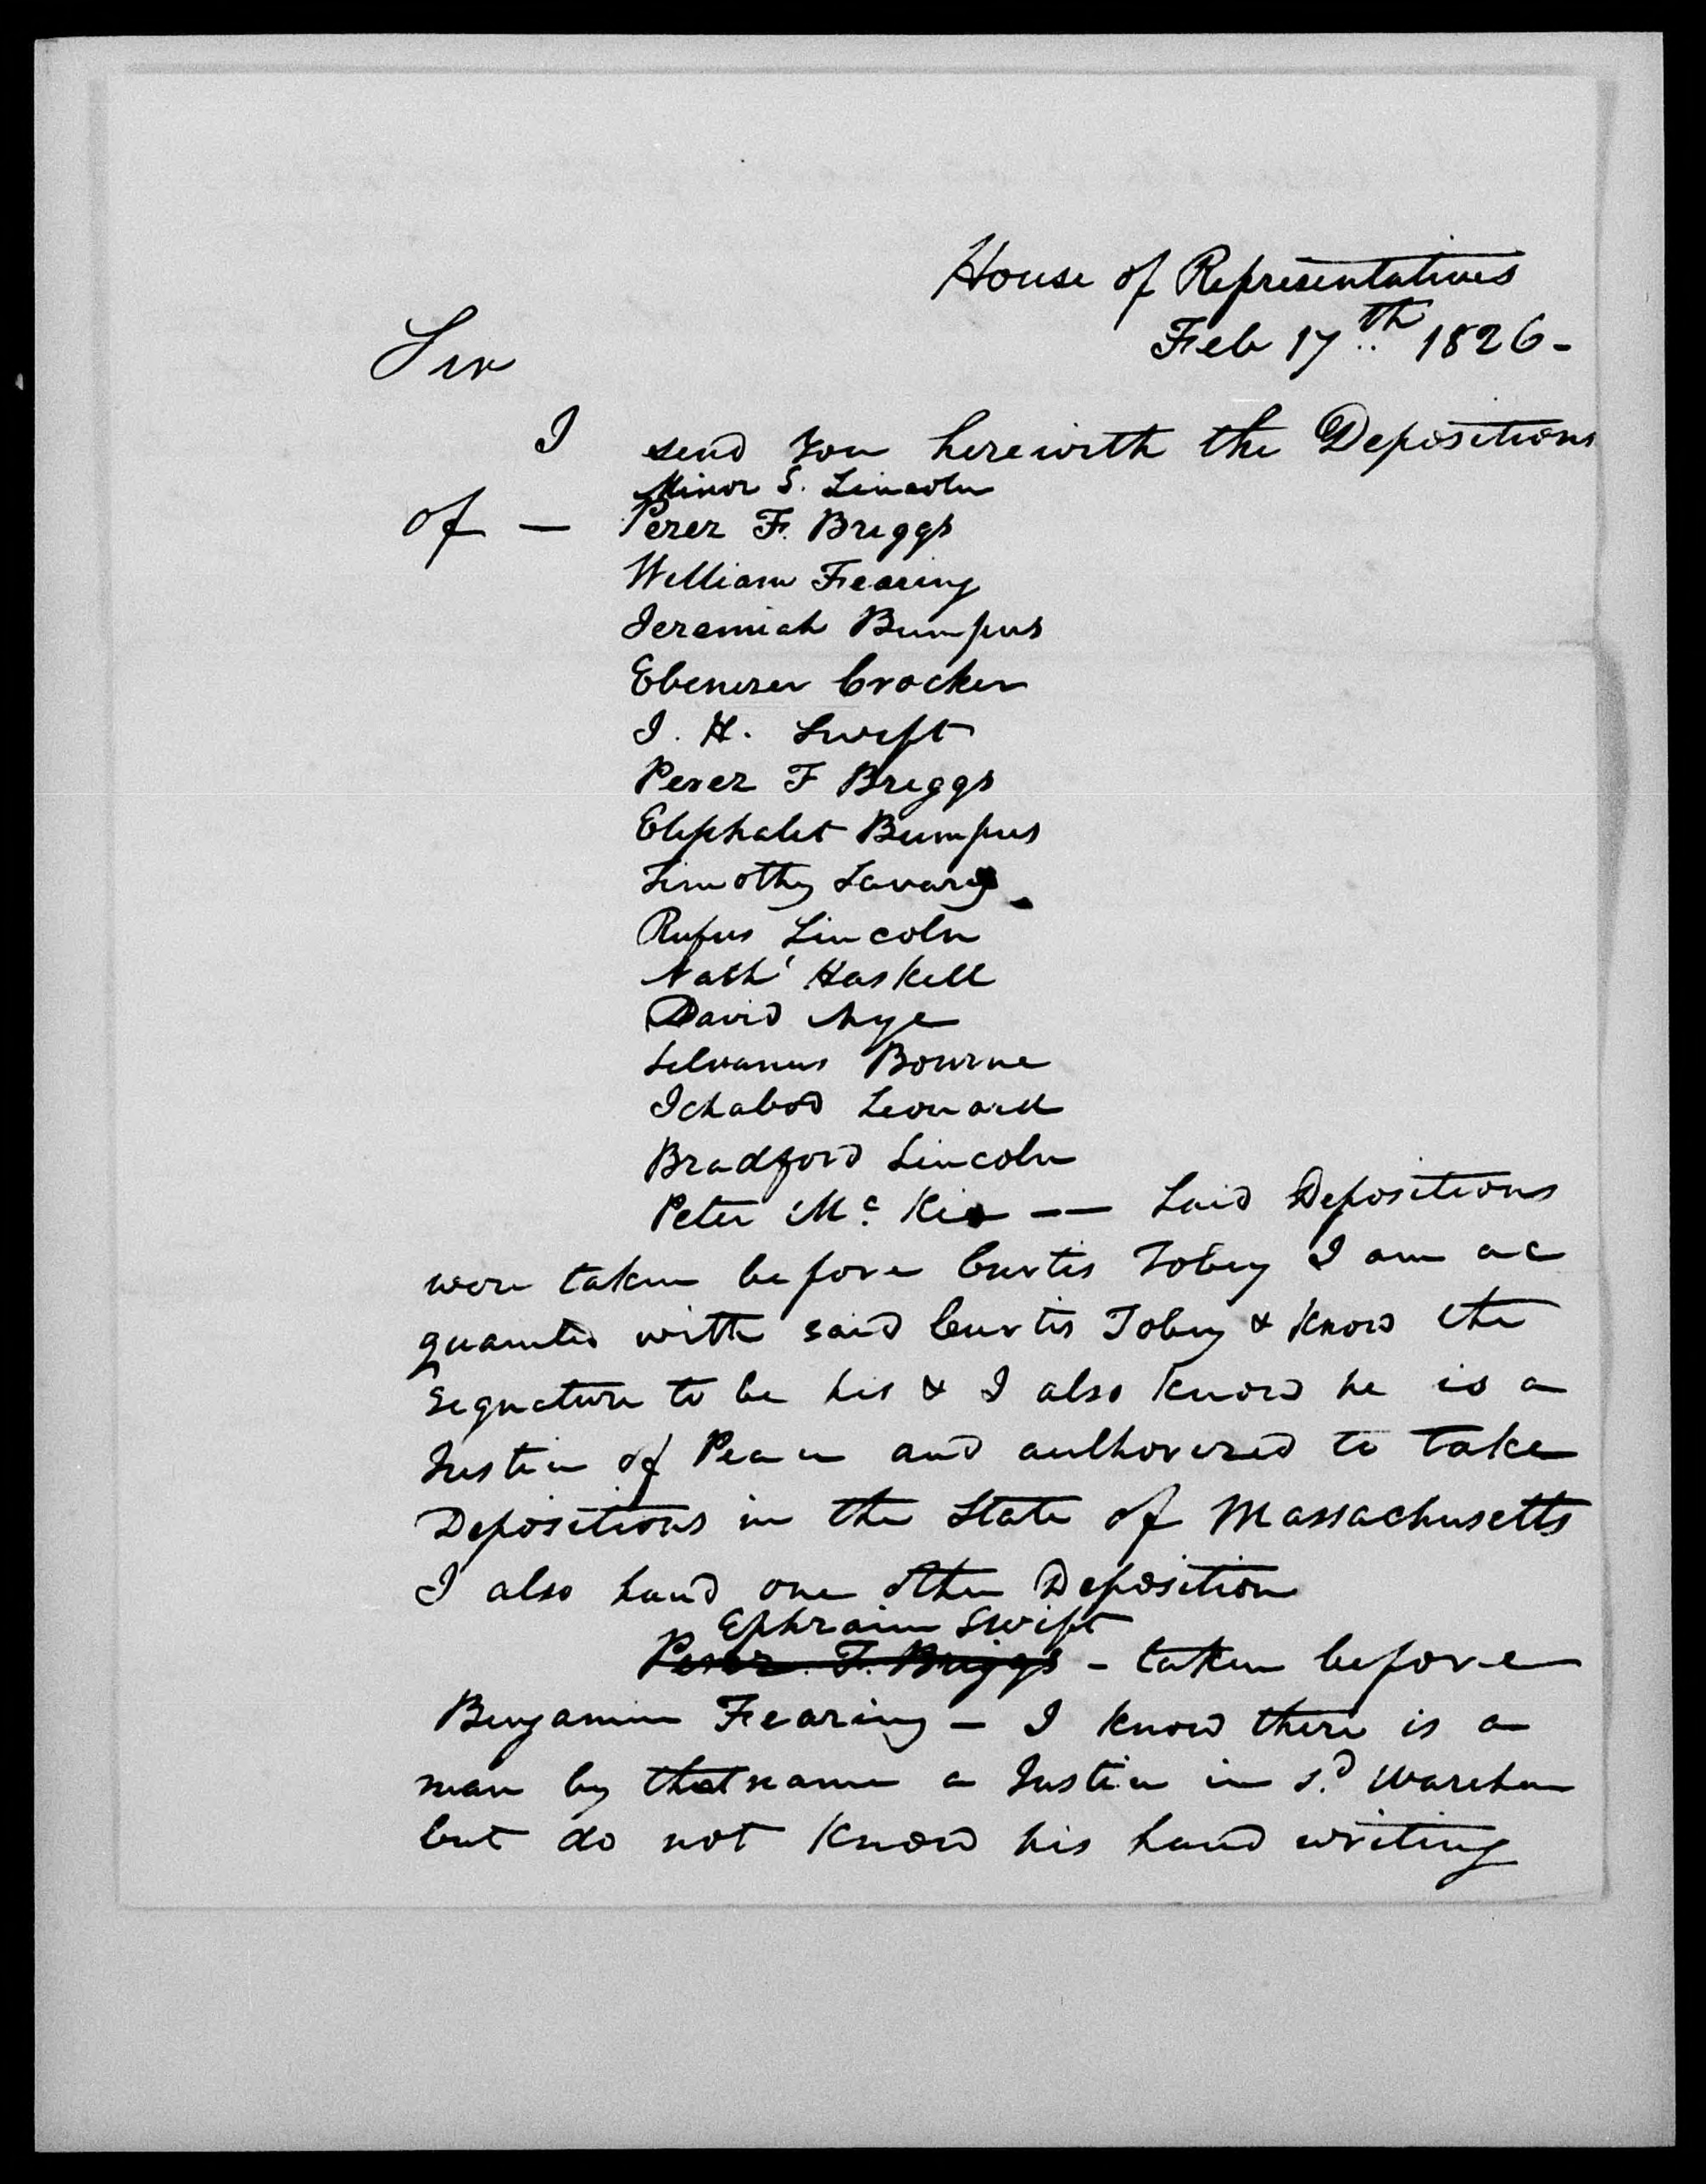House of Representatives
Feb 17th 1826.
Sir
I send you herewith the Depositions of
Minor S. Lincoln
Perer F. Briggs
William Fearing
Jeremiah Bumpus
Ebenezer Crocker
J. H. Swift
Perer F Briggs
Eliphalet Bumpus
Timothy Savary
Rufus Lincoln
Nath'n Haskell
David Nye
Silvanus Bourne
Ichabod Leonard
Bradford Lincoln
Peter McKie-- said Depositions were taken before Curtis Tobey I am acquainted with said Curtis Tobey & know the signature to be his & I also know he is a Justice of Peace and authorized to take Depositions in the State of Massachusetts
I also have one other Deposition
Ephraim Swift
-taken before Benjamin Fearing. I know there is a man by that name a Justice in sd Wareham
but do not know his hand writing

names: Silvanus Bourne; Bradford Lincoln; Ebenezer Crocker; Ichabod Leonard; Jeremiah Bumpus; Minor S Lincoln; Timothy Savary; Curtis Tobey; J H Swift; Rufus Lincoln; Nathl Haskell; William Fearing; Perez F Briggs; Eliphalet Bumpus; Ephraim Swift; Peter Mc Kie; David Nye; Benjamin Fearing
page: 45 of 82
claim: widow's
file: W. 13,634, for Rufus Lincoln, Massachusetts